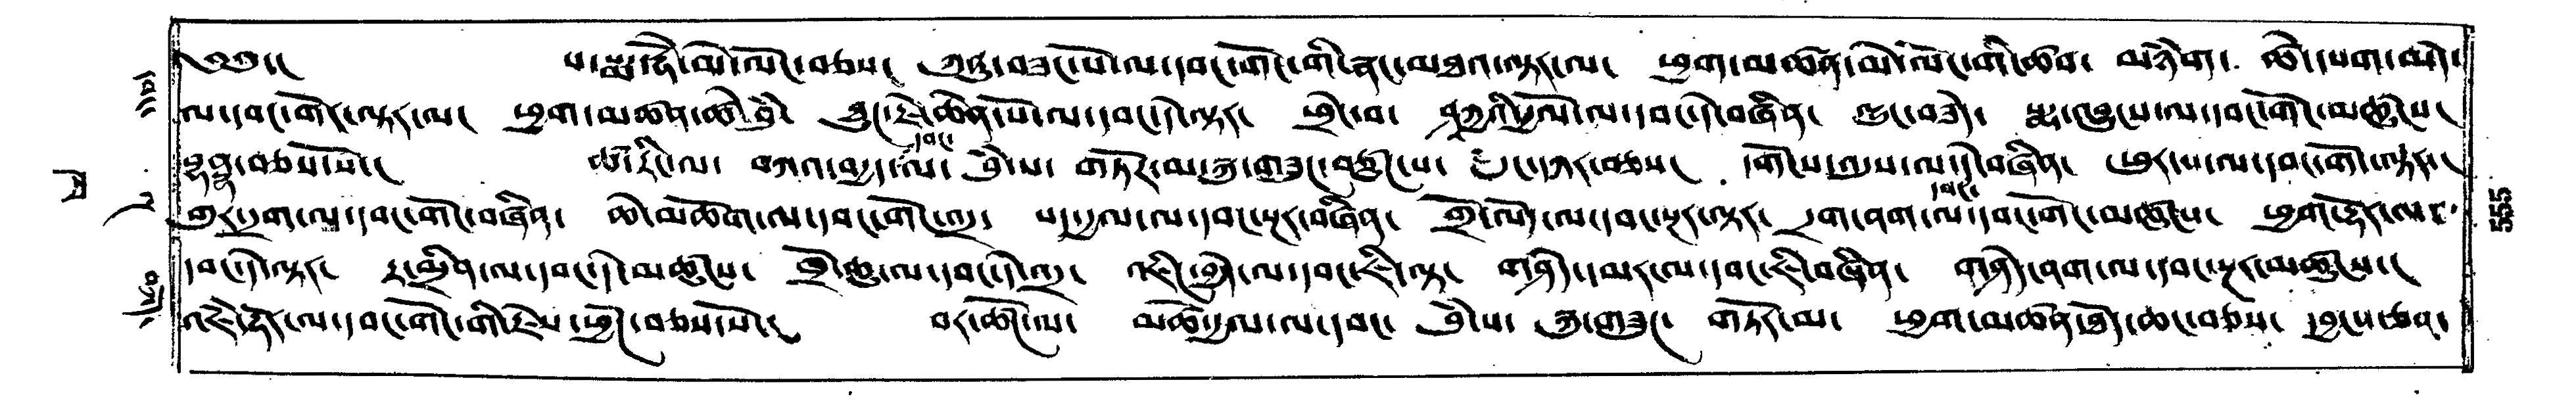པ་པདྨ་རྡོ་རྗེ་མེ་ལོང་བཅས། ཀུན་ཏུ་བཟང་པོ་ལ་དབང་གོང་གི་སྣང་མཐའ་ལྟར་ལ། ཕྱག་མཚན་མེ་ལོང་གི་ཚབ། མཉམ་བཞག ཚེ་དཔག་མེད་
ལ་དབང་གོར་ལྟར་ལ། ཕྱག་མཚན་ཚེ་བུམ། ཐུགས་རྗེ་ཆེན་པོ་ལ་དབང་དེ་ལྟར། ཕྲེང་བ། ཤཱཀཡའི་རྒྱལ་པོ་ལ་དབང་དེ་བཞིན། ལྷུང་བཟེད། པདྨ་འབྱུང་གནས་ལ་དབང་གོང་མཚུངས་
བྷནྡྷ་བཅས་སོ། ཚ་རྟིང་ལ། བཀའ་བརྒྱད་དབང་ལ། བུམ་པ། གཏོར་མ་སྐུ་གཟུགས་གཙུག་པ། དུང་དཀར་བཅས། དགོངས་འདུས་ལ་དབང་དེ་བཞིན། ཕུར་པ་ལ་དབང་གོར་ལྟར། 
གུར་དྲག་ལ་དབང་གོང་བཞིན། ཆེ་མཆོག་ལ་དབང་གོང་འདྲ། པད་རྒྱལ་ལ་དབང་སྔར་བཞིན། གྲོ་ལོད་ལ་དབང་སྔར་ལྟར། དྲག་ནག་ལ་དབང་གོང་མཚུངས། ཕྱག་རྡོར་ལ་
དབང་དེ་ལྟར། རྟ་མགྲིན་ལ་དབང་དེ་མཚུངས། ཁྲོ་ཆུ་ལ་དབང་དེ་འདྲ། འཇིགས་བྱེད་ལ་དབང་ཇི་ལྟ། གཤེད་དམར་ལ་དབང་ཇི་བཞིན། གཤེད་ནག་ལ་དབང་སྔར་མཚུངས། 
འཇམ་རྡོར་ལ་དབང་གོང་གི་རྗེས་ཕྱོགས་བཅས་སོ། བར་ཚོགས་ལ། མཚོ་རྒྱལ་ལ་དབང་། བུམ་པ། སྐུ་གཟུགས། གཏོར་མ། ཕྱག་མཚན་ཐོད་ཆང་བཅས། དབྱངས་ཅན་